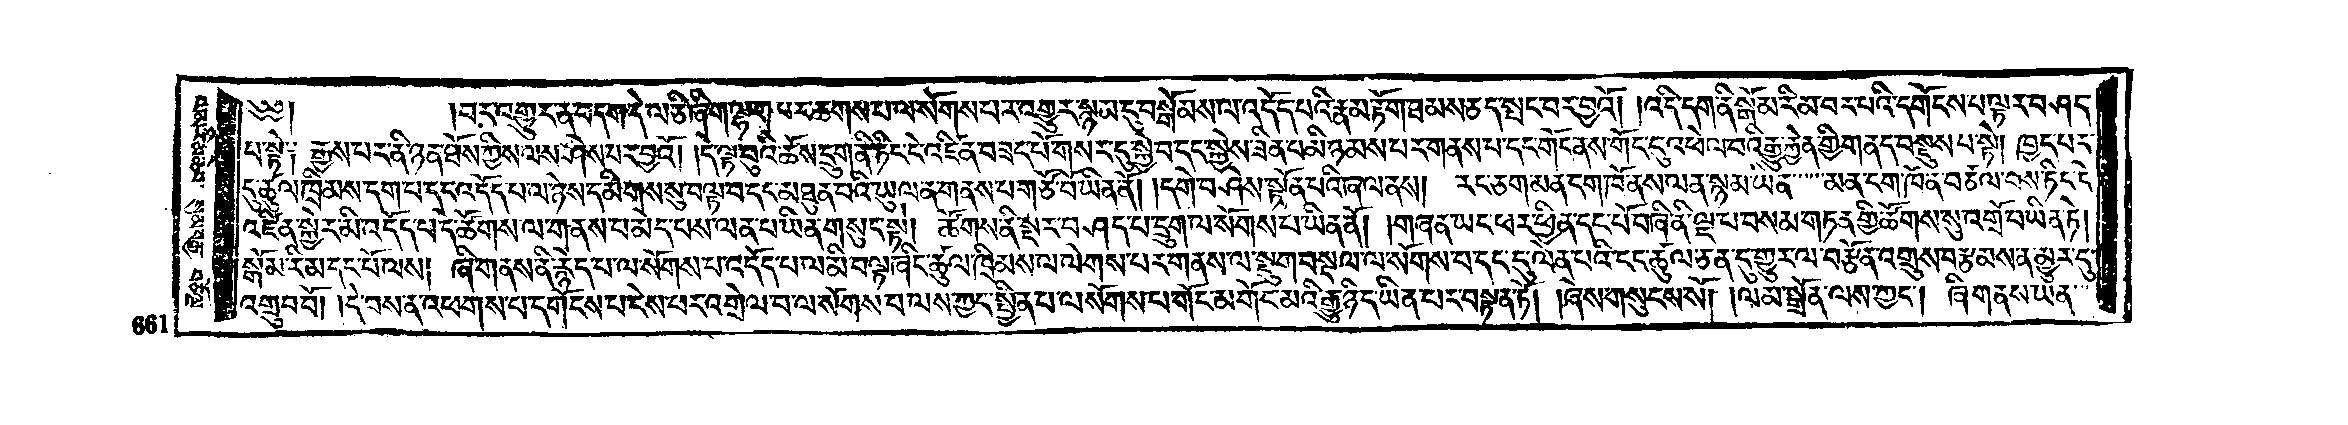༄༅། །བར་འགྱུར་ན་བདག་དེ་ལ་ཅི་ཞིག་ལྷག་པར་ཆགས་པ་ལ་སོགས་པར་འགྱུར་སྙམ་དུ་བསྒོམས་ལ་འདོད་པའི་རྣམ་རྟོག་ཐམས་ཅད་སྤང་བར་བྱའོ། །འདི་དག་ནི་སྒོམ་རིམ་བར་པའི་དགོངས་པ་ལྟར་བཤད་
པ་སྟེ༑ རྒྱས་པར་ནི་ཉན་ཐོས་ཀྱིས་ལས་ཤེས་པར་བྱའོ། །དེ་ལྟ་བུའི་ཆོས་དྲུག་ནི་ཏིང་ངེ་འཛིན་བཟང་པོ་གསར་དུ་སྐྱེ་བ་དང་སྐྱེས་ཟིན་པ་མི་ཉམས་པར་གནས་པ་དང་གོང་ནས་གོང་དུ་འཕེལ་བའི་རྒྱུ་རྐྱེན་གྱི་གནད་བསྡུས་པ་སྟེ། ཁྱད་པར་
དུ་ཚུལ་ཁྲིམས་དག་པ་དང་འདོད་པ་ལ་ཉེས་དམིགས་སུ་བལྟ་བ་དང་མཐུན་པའི་ཡུལ་ན་གནས་པ་གཙོ་བོ་ཡིན་ནོ། །དགེ་བཤེས་སྟོན་པའི་ཞལ་ནས། རང་ཅག་མན་ངག་ཁོ་ནས་ལན་སྙམ་ཡིན་མན་ངག་ཁོ་ན་བཙལ་བས་ཏིང་ངེ་
འཛིན་སྐྱེར་མི་འདོད་པ་དེ་ཚོགས་ལ་གནས་པ་མེད་པས་ལན་པ་ཡིན་གསུང་སྟེ། ཚོགས་ནི་སྔར་བཤད་པ་དྲུག་ལ་སོགས་པ་ཡིན་ནོ། །གཞན་ཡང་ཕར་ཕྱིན་དང་པོ་བཞི་ནི་ལྔ་པ་བསམ་གཏན་གྱི་ཚོགས་སུ་འགྲོ་བ་ཡིན་ཏེ།
སྒོམ་རིམ་དང་པོ་ལས། ཞི་གནས་ནི་རྙེད་པ་ལ་སོགས་པ་འདོད་པ་ལ་མི་བལྟ་ཞིང་ཚུལ་ཁྲིམས་ལ་ལེགས་པར་གནས་ལ་སྡུག་བསྔལ་ལ་སོགས་པ་དང་དུ་ལེན་པའི་ངང་ཚུལ་ཅན་དུ་གྱུར་ལ་བརྩོན་འགྲུས་བརྩམས་ན་མྱུར་དུ་
འགྲུབ་བོ། །དེ་བས་ན་འཕགས་པ་དགོངས་པ་ངེས་པར་འགྲེལ་བ་ལ་སོགས་པ་ལས་ཀྱང་སྦྱིན་པ་ལ་སོགས་པ་གོང་མ་གོང་མའི་རྒྱུ་ཉིད་ཡིན་པར་བསྟན་ཏོ། །ཞེས་གསུངས་སོ། །ལམ་སྒྲོན་ལས་ཀྱང་། ཞི་གནས་ཡིན་